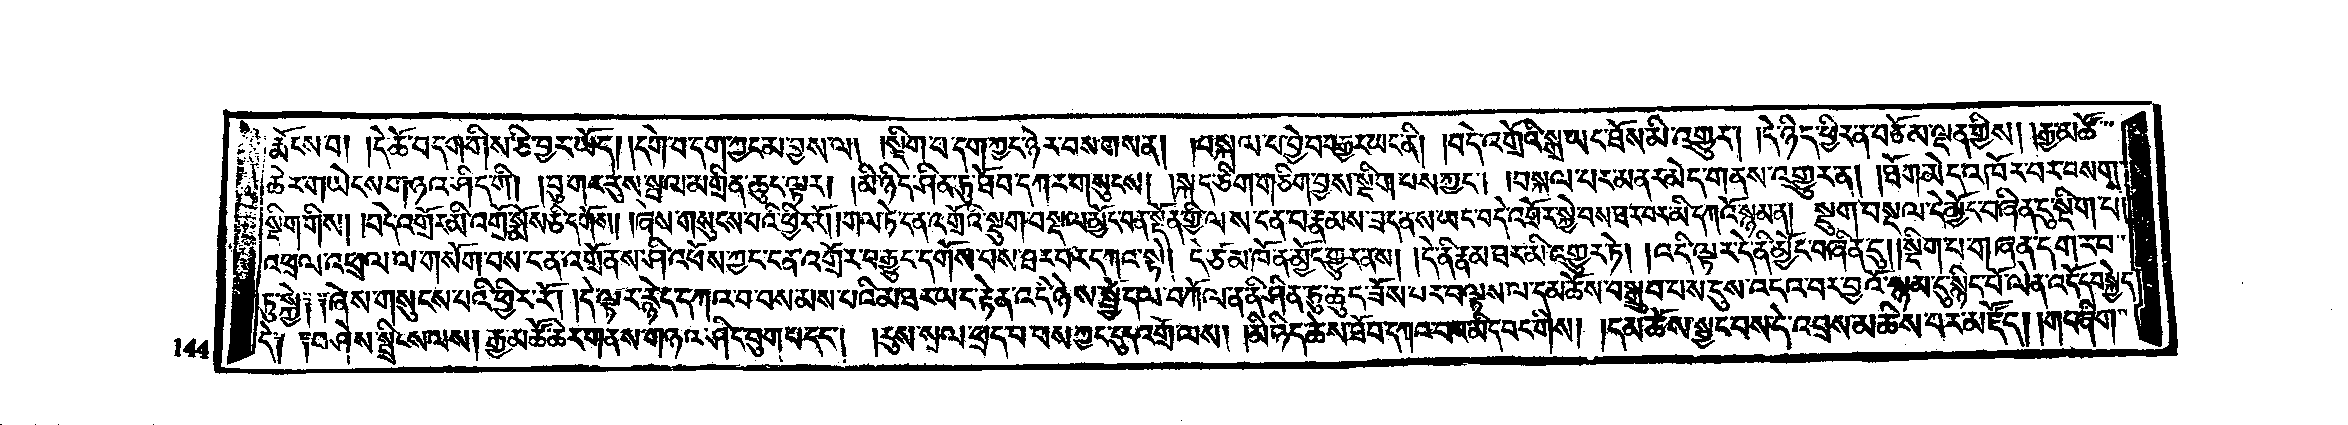རྨོངས་པ། །དེ་ཚེ་བདག་གིས་ཅི་བྱར་ཡོད། །དགེ་བ་དག་ཀྱང་མ་བྱས་ལ། །སྡིག་པ་དག་ཀྱང་ཉེར་བསགས་ན། །བསྐལ་པ་བྱེ་བ་བརྒྱར་ཡང་ནི། །བདེ་འགྲོའི་སྒྲ་ཡང་ཐོས་མི་འགྱུར། །དེ་ཉིད་ཕྱིར་ན་བཅོམ་ལྡན་གྱིས། །རྒྱ་མཚོ་
ཆེར་གཡེངས་གཉའ་ཤིད་གི། །བུ་གར་རུས་སྦལ་མགྲིན་ཆུང་ལྟར། །མི་ཉིད་ཤིན་ཏུ་ཐོབ་དཀར་གསུངས། །སྐད་ཅིག་གཅིག་བྱས་སྡིག་པས་ཀྱང་། །བསྐལ་པར་མནར་མེད་གནས་འགྱུར་ན། །ཐོག་མེད་འཁོར་བར་བསགས་
སྡིག་གིས། །བདེ་འགྲོར་མི་འགྲོ་སྨོས་ཅི་དགོས། །ཞེས་གསུངས་པའི་ཕྱིར་རོ། །གལ་ཏེ་ངན་འགྲོའི་སྡུག་བསྔལ་མྱོང་བ་ན་སྔོན་གྱི་ལས་ངན་པ་རྣམས་ཟད་ནས་ཡང་བདེ་འགྲོར་སྐྱེ་བས་ཐར་བར་མི་དཀའོ་སྙམ་ན། སྡུག་བསྔལ་དེ་མྱོང་བཞིན་དུ་སྡིག་པ་
འཕྲལ་འཕྲལ་ལ་གསོག་པས་ངན་འགྲོ་ནས་ཤི་འཕོས་ཀྱང་ངན་འགྲོར་བརྒྱུད་དགོས་པས་ཐར་བར་དཀའ་སྟེ། དེ་ཙམ་ཁོ་ན་མྱོང་གྱུར་ནས། །དེ་ནི་རྣམ་ཐར་མི་འགྱུར་ཏེ། །འདི་ལྟར་དེ་ནི་མྱོང་བཞིན་དུ། །སྡིག་པ་གཞན་དག་རབ་
ཏུ་སྐྱེ༑ ༑ཞེས་གསུངས་པའི་ཕྱིར་རོ། །དེ་ལྟར་རྙེད་དཀའ་བ་བསམས་པའི་མཐར་ཡང་རྟེན་འདི་ཉེས་སྤྱོད་ལ་བཀོལ་ན་ནི་ཤིན་ཏུ་ཆུད་ཟོས་པར་བལྟས་ལ་དམ་ཆོས་བསྒྲུབ་པས་དུས་འདའ་བར་བྱའོ་སྙམ་དུ་སྙིང་པོ་ལེན་འདོད་བསྐྱེད་
དེ༑ ༑བཤེས་སྦྲིངས་ལས། རྒྱ་མཚོ་ཆེར་གནས་གཉའ་ཤིང་བུག་པ་དང་། །རུས་སྒྲལ་ཕྲད་པ་པས་ཀྱང་དུད་འགྲོ་ལས། །མི་ཉིད་ཆེས་ཐོབ་དཀའ་བས་མི་དབང་གིས། །དམ་ཆོས་སྤྱད་པས་དེ་འབྲས་མཆིས་པར་མཛོད། །གང་ཞིག་